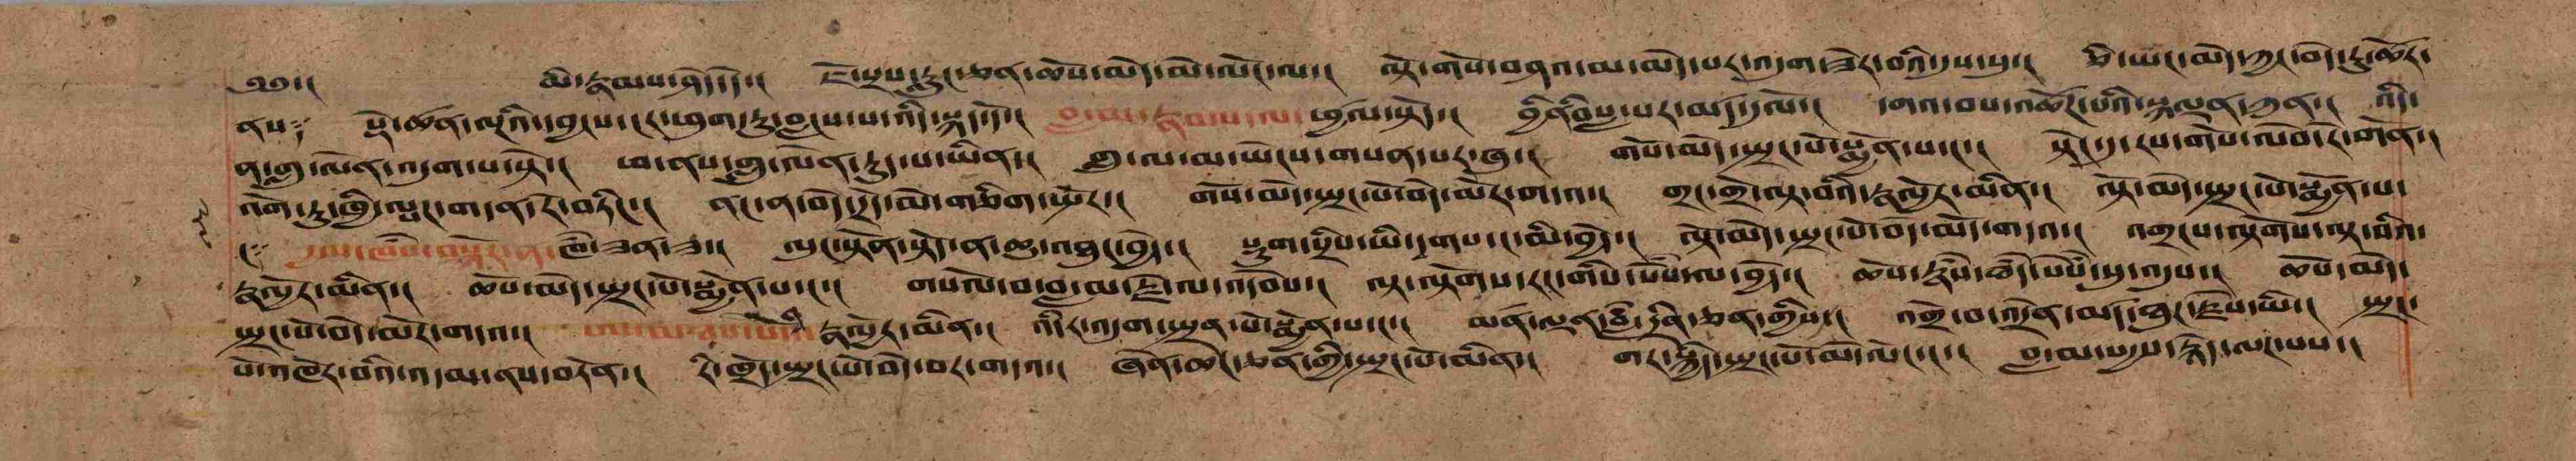མི་རྣམས་ཤོད་དེ།། ཇོ་སྲས་རླུང་ཅན་ཆོས་མེད་མེ་ལོང་ལ།། ལྟོ་གོས་བཤའ་མ་མེད་པར་འདུག་ཟེར་བའི་དུས་སུ།། ཅི་ཡང་མེད་ཀྱང་བདེ་རུ་ཚོར་
ནས།། སྡེ་ཚན་ལྔའི་དབྱངས་ངར་ཕུག་ཏུ་བླངས་པ་འདི་སྐད་དོ།། བླ་མ་རྣམས་ལ་ཕྱག་འཚལ་བསྟོད།། བྱིན་གྱིས་བརླབས་པར་མཛད་དུ་གསོལ།། དགའ་བས་འཚོགས་པའི་སྐལ་ལྡན་ཀུན།། འདི་
ན་གླུ་ལེན་འདུག་པ་སྟེ།། ཕ་ནས་གླུ་ལེན་བརྒྱུད་པ་ཡིན།། གླུ་ལ་མ་ཡེངས་གསན་པར་ཞུ།། གོས་མེད་སྤྲང་པོ་སྨྱོན་པ་ང་།། སྟེང་དུ་རས་གོས་ལེབ་རེ་གོན།། 
འོག་ཏུ་ཁྱི་ལྤགས་གདན་རེ་བཏིང་།། ནང་ན་བདེ་དྲོད་མེ་གཅིག་སྤོར།། གོས་མེད་སྤྲང་པོ་བདེ་མོར་གདའ།། གྲང་གྲོ་ལྟ་བའི་རྣལ་འབྱོར་མིན།། ལྟོ་མེད་སྤྲང་པོ་སྨྱོན་པ་
ང་།། རྒྱལ་ཁམས་བསྐོར་ན་ཁམ་ཟན་ཟ།། ལུང་སྟོན་སྟོད་ན་ཆུ་འཐུང་བྱེད།། སྡུག་པྲིས་ཡི་དྭགས་ང་མི་བྱེད།། ལྟོ་མེད་སྤྲང་པོ་བདེ་མོར་གདའ།། འགྲངས་ལྟོགས་ལྟ་བའི་
རྣལ་འབྱོར་མིན།། ཆོས་མེད་སྤྲང་པོ་སྨྱོན་པ་ང་།། གསོལ་བ་བླ་མ་རྗེ་ལ་འདེབས།། ལྟ་ལྟོགས་རང་གི་སེམས་ལ་བྱེད།། ཆོས་རྣམས་ཐམས་ཅད་སེམས་སུ་འདུས།། ཆོས་མེད་
སྤྲང་པོ་བདེ་མོར་གདའ།། ཨ་མཐས་པོའི་རྣལ་འབྱོར་མིན།། འདིར་འདུག་སྤྲང་པོ་སྨྱོན་པ་ང་།། མཚན་ལྡན་བླ་མ་དྲིན་ཅན་གྱིས།། འགྲོ་བ་འདྲེན་མཛད་ཐུགས་རྗེ་ཡིས།། སྤྲང་
པོ་འཁོར་བའི་འདམ་ནས་བཏོན།། རི་ཁྲོད་སྤྲང་པོ་བདེ་བར་གདའ།། ཞེན་ཆགས་ཅན་གྱི་སྤྲང་པོ་མིན།། གར་སྐྱིད་སྤྲང་པོ་མེ་ལོང་ང་།། བླ་མ་སངས་རྒྱས་རྙེད་ལགས་པས།།